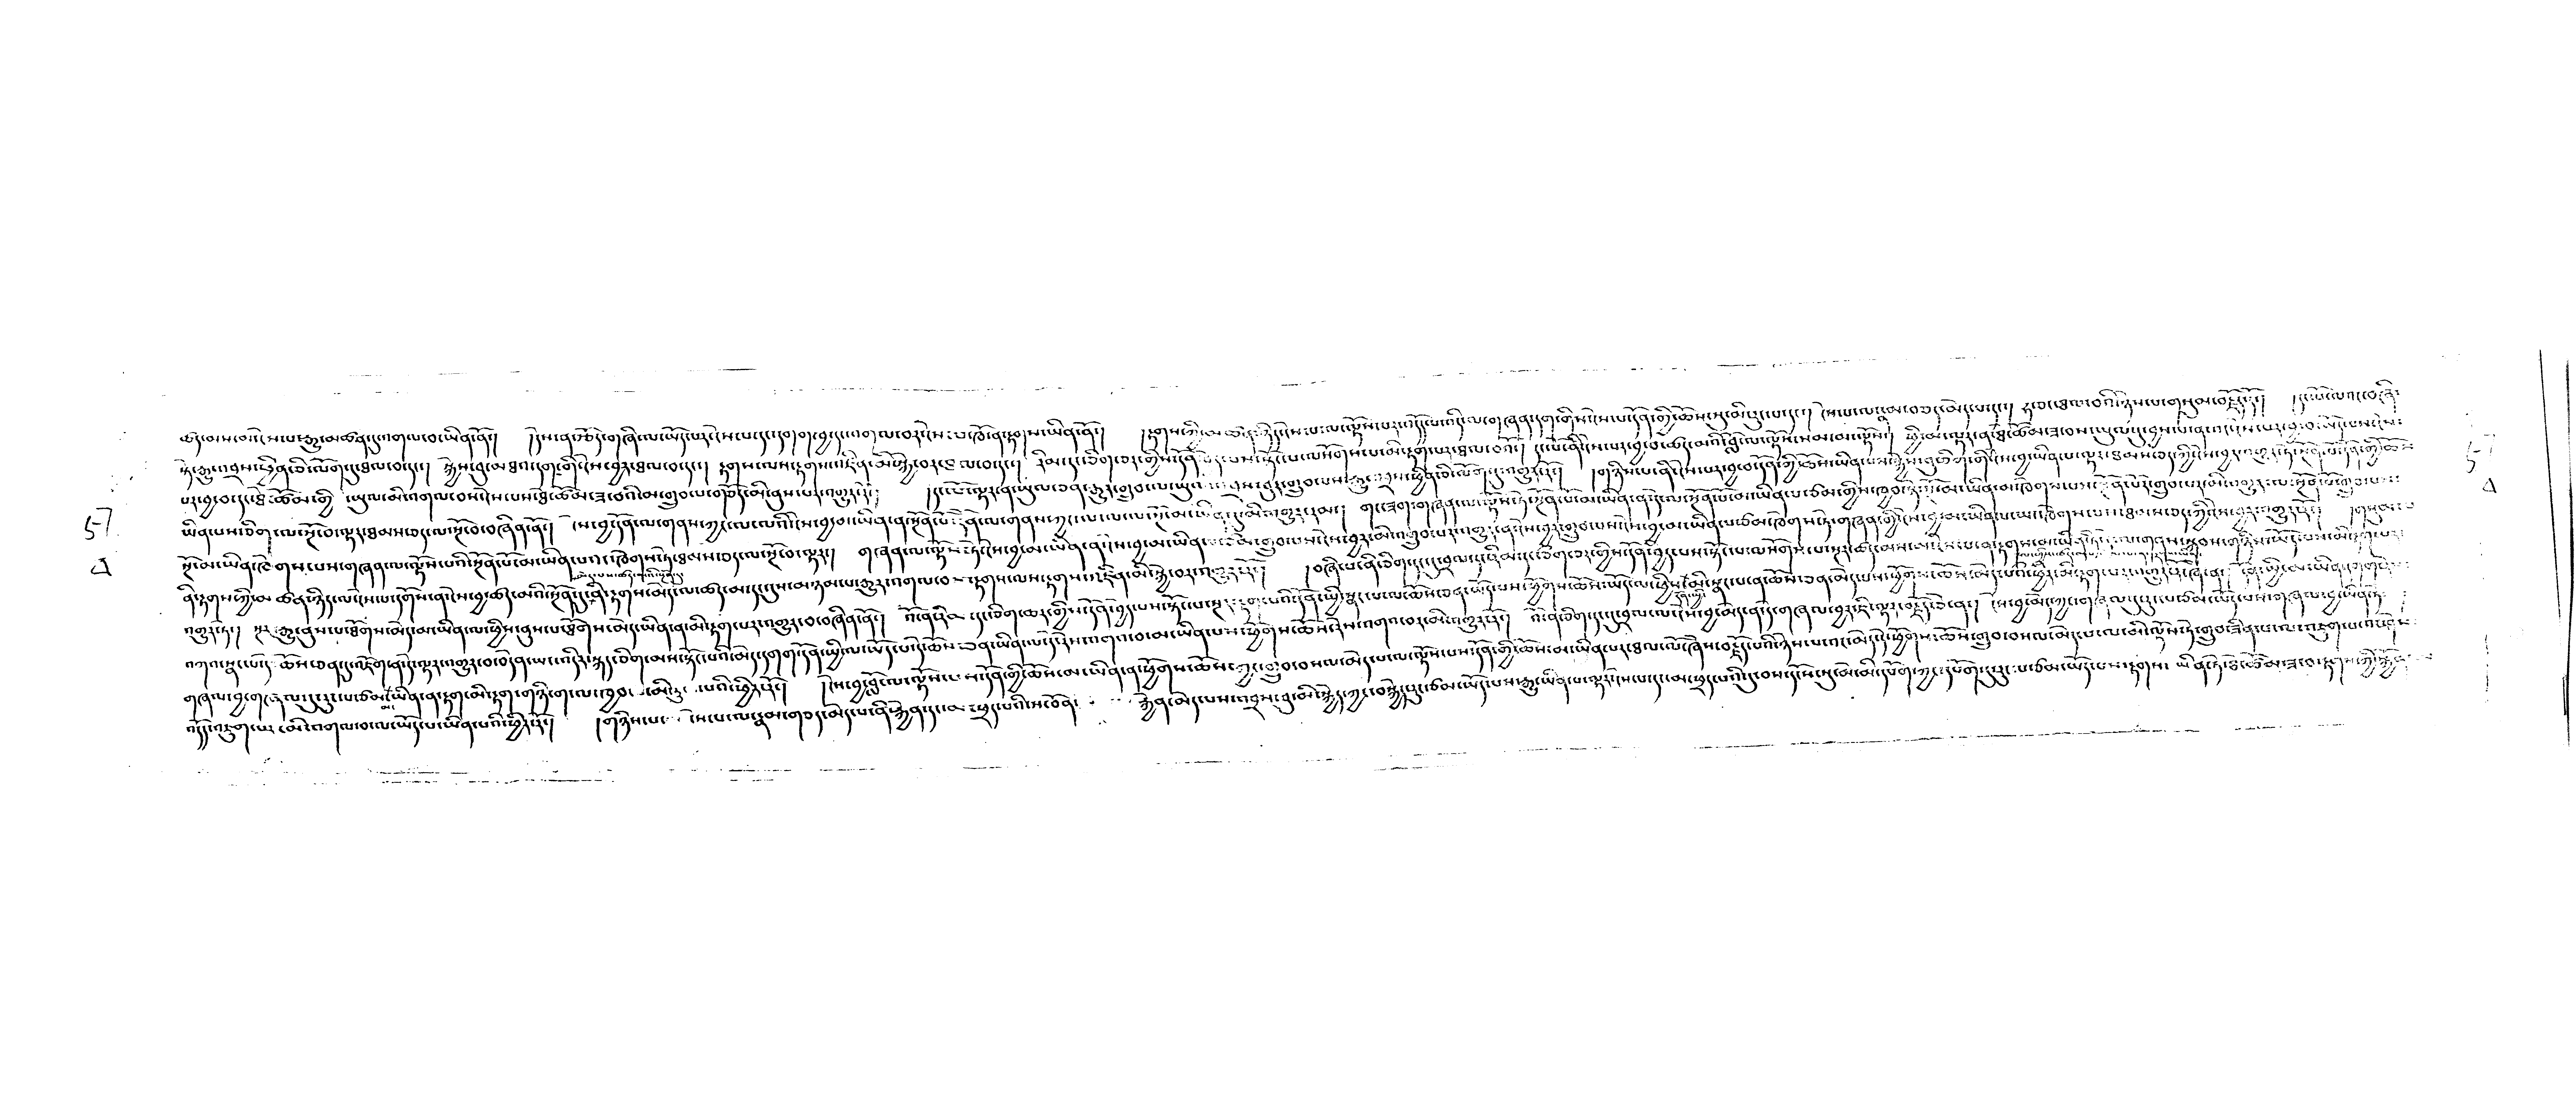ཚད་མས་མ་ངེས་པ་རྒྱུ་མཚན་དུ་འགལ་བ་ཡིན་ནོ། །དེས་ན་རྩོད་གཞི་ལ་ཡོད་པར་ངེས་པ་དང་དགག་བྱ་དང་འགལ་བར་ངེས་པ་ཁོ་ན་རྟགས་ཡིན་ནོ། །རྟགས་ཀྱི་མཚན་ཉིད་ངེས་པ་ལ་ལྟོས་པར་འདོད་པ་འདི་ལ་གཞན་དག་གིས་ངེས་པ་དོན་གྱི་ཆོས་སུ་མི་རུང་པ་དང་། ངེས་པ་ལ་རྣམ་བཅད་མེད་པ་དང་། ཧ་ཅང་ཐལ་བའི་ཉེས་པ་གསུམ་བརྗོད་དོ། །དང་པོ་ལའང་བཞི་
སྟེ་རྒྱུ་འབྲས་ཕྱིན་ཅི་ལོག་དུ་ཐལ་བ་དང་། སྐྱེས་བུ་མཐའ་དག་གི་ངེས་བྱར་ཐལ་བ་དང་། རྟགས་ལས་རྟགས་འཛིན་མི་སྐྱེ་བར་ཐལ་བ་དང་། རིམ་དང་ཅིག་ཅར་གྱིས་དོན་མེད་པས་སྟོང་པ་ལ་སོགས་པ་མི་རྟག་པར་ཐལ་བའོ། དང་པོ་ནི་ངེས་པར་བྱ་བ་ཚད་མའི་བློ་ལ་ལྟོས་སམ་མ་ལྟོས། ཕྱི་མ་ལྟར་ན་ཐེ་ཚོམ་ཟ་བས་ཡུལ་དུ་བྱས་པ་ན་འང་ངེས་པར་བྱ་བ་ཡོད་པས་ངེས་
པར་བྱ་བ་དང་ཐེ་ཚོམ་གྱི་ཡུལ་མི་འགལ་བས་ངེས་པས་ཐེ་ཚོམ་ཟ་བའི་མ་གྲུབ་པ་གཅོད་མི་ནུས་པར་འགྱུར་རོ། །དང་པོ་ལྟར་ན་ཡུལ་ཅན་རྒྱུར་གྲུབ་ལ་ཡུལ་འབྲས་བུར་གྲུབ་པས་རྒྱུ་འབྲས་ཕྱིན་ཅི་ལོག་དུ་འགྱུར་རོ། །གཉིས་པ་ནི་ངེས་པར་བྱ་བ་དོན་གྱི་ཆོས་ཡིན་པས་སྐྱེས་བུ་ཅིག་གི་ངེས་བྱ་ཡིན་པ་ལྟར་ཐམས་ཅད་ཀྱི་ངེས་བྱར་འགྱུར་ཏེ་སྔོན་པོ་དོན་གྱི་ཆོས་
ཡིན་པས་ཅིག་ལ་སྔོ་བ་ལྟར་ཐམས་ཅད་ལ་སྔོ་བ་བཞིན་ནོ། ངེས་བྱ་དོན་ལ་གནས་ཀྱང་ལ་ལའི་ངེས་བྱ་མ་ཡིན་ན་སྔོན་པོ་དོན་ལ་གནས་ཀྱང་ལ་ལ་ལ་སྔོ་མ་ཡིན་དུ་མི་འགྱུར་རམ། གང་ཟག་གཞན་ལ་ལྟོས་ཏེ་སྔོན་པོ་མ་ཡིན་ན་དེ་ལ་སྔོན་པོ་མ་ཡིན་པ་ཙམ་གྱིས་ཁྱབ་སྟེ་སྔོ་མ་ཡིན་མ་ཁེགས་པས་སྔོན་པོར་གྲུབ་པར་མི་འགྱུར་ལ་སྔོན་པོ་གྲུབ་པས་
སྔོ་མ་ཡིན་ཁེགས་པས་གཞན་ལ་ལྟོས་པའི་སྔོན་པོ་མ་ཡིན་པའང་ཁེགས་ཏེ་ཐམས་ཅད་ལ་སྔོ་བ་ལྟར། གཞན་ལ་ལྟོས་ཏེ་ངེས་བྱ་མ་ཡིན་ན་ངེས་བྱ་མ་ཡིན་པ་ཙམ་གྲུབ་པས་ངེས་བྱར་མི་འགྲུབ་པར་འགྱུར་ན་ངེས་བྱར་གྲུབ་པས་ངེས་བྱ་མ་ཡིན་པ་ཙམ་ཁེགས་ཏེ་གཞན་གྱི་ངེས་བྱ་མ་ཡིན་པ་ཡང་ཁེགས་པས་ཐམས་ཅད་ཀྱི་ངེས་བྱར་འགྱུར་རོ། །གསུམ་པ་
ནི་རྟགས་ཀྱི་མཚན་ཉིད་ལ་ངེས་པ་དགོས་ན་ངེས་བྱ་ཚད་མའི་སྔོན་དུ་མེད་པས་ཚད་མའི་སྔོན་དུ་ནི་རྟགས་མེད་ལ་ཚད་མ་དང་དུས་མཉམ་པ་རྒྱུར་འགལ་བས་རྟགས་ལས་རྟགས་འཛིན་མི་སྐྱེ་བར་འགྱུར་རོ། །བཞི་པ་ནི་ཅིག་དང་དུ་བྲལ་དང་རིམ་དང་ཅིག་ཅར་གྱིས་དོན་བྱེད་པས་སྟོང་པ་ལ་སོགས་པ་སྔར་ཚད་མས་མ་ངེས་པ་ན་རྟགས་མ་ཡིན་ཏེ་དེ་ལ་གནས་སྐབས་གཉིས་ཡོད་པས་མི་རྟག་པར་
འགྱུར་ཏེ། སྔར་རྒྱུ་ནུས་པ་ཐོགས་མེད་མ་ཡིན་ལ་ཕྱིས་ནུས་པ་ཐོགས་མེད་ཡིན་ན་མི་རྟག་པར་འགྱུར་བ་བཞིན་ནོ། འོ་ན་རིམ་དང་ཅིག་ཆར་གྱིས་དོན་བྱེད་པས་སྟོང་པ་སྔར་རྟག་པའི་དོན་སྤྱི་སྣང་པ་ལ་ཆོས་ཅན་ཡོད་པས་ཕྱོགས་ཆོས་ཡོད་ལ་ཕྱིས་དོན་སྤྱི་མི་སྣང་པ་ན་ཆོས་ཅན་མེད་པས་ཕྱོགས་ཆོས་མེད་པའི་ཕྱིར་མི་རྟག་པར་འགྱུར་རོ་ཞེ་ན། དོན་སྤྱི་མ་ཡིན་དགག་?
བཀའ་སྣང་པ་དེ་ཆོས་ཅན་དུ་འཇོག་ན་དེ་ལྟར་འགྱུར་བ་བདེན་ཡང་འདིར་སྐད་ཅིག་མས་སྟོང་པའི་མེད་དགག་དོན་སྤྱི་ལ་ཡོད་པ་དེ་ཆོས་ཅན་ཡིན་ལ་དེ་རེས་འགའ་བ་མ་ཡིན་པས་ཕྱོགས་ཆོས་རེས་འགའ་བར་མི་འགྱུར་རོ། འོ་ན་ཅིག་དང་དུ་བྲལ་ལ་ངེས་བྱ་མེད་ན་དེ་གཞལ་བྱར་ཇི་ལྟར་བརྗོད་ཅེ་ན། ངེས་བྱ་མེད་ཀྱང་གཞལ་དུ་རུང་པ་ཙམ་ཡོད་པས་གཞལ་བྱ་ཡིན་ཏེ།
གཞལ་བྱ་གཞལ་དུ་རུང་པ་ཙམ་མ་ཡིན་ན་རྟག་མི་རྟག་གཉི་ག་ལ་ཁྱབ་པ་མི་རུང་པའི་ཕྱིར་རོ། །ངེས་བྱ་བློ་ལ་ལྟོས་པས་དོན་གྱི་ཆོས་མ་ཡིན་ན་ཕྱོགས་ཆོས་ཀྱང་གྲུབ་བསལ་མེད་པ་ལ་ལྟོས་པས་དོན་གྱི་ཆོས་མ་ཡིན་པར་ཐལ་ལོ་ཞེས་བརྗོད་པའི་ཉེས་པ་འང་མེད་དེ་ཕྱོགས་ཆོས་གྲུབ་བསལ་མེད་པ་ལ་མི་ལྟོས་ཏེ་གྲུབ་ཟིན་པ་ལ་འཇུག་པ་འང་ཤེས་
འདོད་འཇུག་པར་མི་འགལ་བ་ལ་ཡོད་པ་ཡིན་པའི་ཕྱིར་རོ། །གཉིས་པ་ངེས་པ་ལ་རྣམ་གཅད་མེད་པ་ནི་རྐྱེན་དང་མ་ཕྲད་པའི་ས་བོན་རྐྱེན་མེད་པས་འབྲས་བུ་མི་སྐྱེད་ཀྱང་བསྐྱེད་རུང་ཙམ་ཡོད་པས་རྒྱུ་ཡིན་པ་ལྟར་ངེས་པ་དང་མ་ཕྲད་པའི་དུ་བས་དངོས་སུ་མེ་མི་དཔོག་ཀྱང་དཔོག་དུ་རུང་པ་ཙམ་ཡོད་པས་རྟགས་ཡིན་ཏེ་ཐེ་ཚོམ་ཟ་བ་རྟགས་ཀྱི་སྐྱོན?